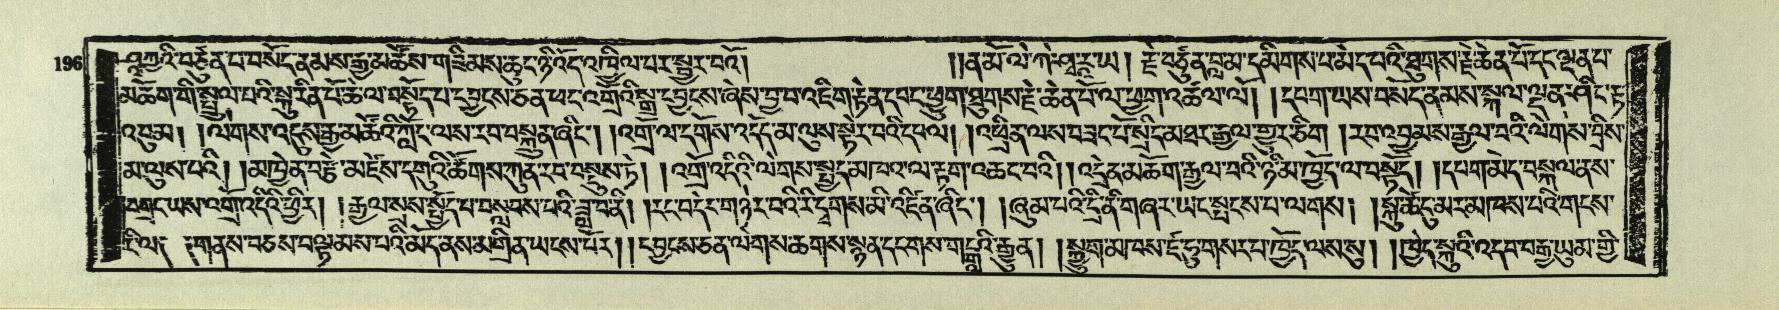ཤཱཀྱའི་བཙུན་པ་བསོད་ནམས་རྒྱ་མཚོས་གཟིམས་ཆུང་ཉི་འོད་འཁྱིལ་པར་སྦྱར་བའོ། །།ན་མོ་ལེ་ཀེ་ཤྭ་རཱ་ཡ། རྗེ་བཙུན་བླ་མ་དམིགས་པ་མེད་པའི་ཐུགས་རྗེ་ཆེན་པོ་དང་ལྡན་པ་
མཆོག་གི་སྤྲུལ་པའི་སྐུ་རིན་པོ་ཆེ་ལ་བསྟོད་པ་དབྱངས་ཅན་ཕང་འགྲོའི་སྒྲ་དབྱངས་ཞེས་བྱ་བ་འཇིག་རྟེན་དབང་ཕྱུག་ཐུགས་རྗེ་ཆེན་པོ་ལ་ཕྱག་འཚལ་ལོ། །དཔག་ཡས་བསོད་ནམས་སྐལ་ལྡན་ཤིང་རྟ་
འབུམ། །ལེགས་འདུས་རྒྱ་མཚོའི་ཀློང་ལས་རབ་བསྐྲུན་ཞིང་། །འགྲོ་ལ་དགོས་འདོད་མ་ལུས་སྟེར་བའི་དཔལ། །འཕྲིན་ལས་བཟང་པོ་སྲིད་མཐར་རྒྱལ་གྱུར་ཅིག །རབ་འབྱམས་རྒྱལ་བའི་ལེགས་བྲིས་
མ་ལུས་པའི། །མཁྱེན་བརྩེ་མཛེས་དགུའི་ཚོགས་ཀུན་རབ་བསྡུས་ཏེ། །འགྲོ་འདིའི་ལེགས་སྤྱད་མཁའ་ལ་རྟག་འཆང་བའི། །འདྲེན་མཆོག་རྒྱལ་བའི་ཉི་མ་ཁྱོད་ལ་བསྟོད། །དཔག་མེད་བསྐལ་ནས་
བགྲང་ཡས་འགྲོ་འདིའི་ཕྱིར། །རྒྱལ་སྲས་སྤྱོད་པ་བསླབས་པའི་ཟླ་བ་ནི། །རང་བདེར་གཉེར་བའི་རི་དྭགས་མི་འཛིན་ཞིང་། །ཞུམ་པའི་དྲི་ནི་གཞར་ཡང་སྤངས་པ་ལགས། །སྐུ་ཚེ་དུ་མར་མཁས་པའི་གངས་
རི་ལ༑ ༑གནས་བཅས་བལྟམས་པའི་མོད་ནས་མགྲིན་ཡངས་པོར། །དབྱངས་ཅན་ལེགས་ཆགས་སྙན་དང་གས་གངྒླའི་རྒྱུན། །སྐྱུག་མཁས་ཛ་ཧུ་གསར་པ་ཁྱོད་ལས་སུ། །ཁྱེད་སྐུའི་འདབ་བརྒྱ་ཡུམ་གྱི་